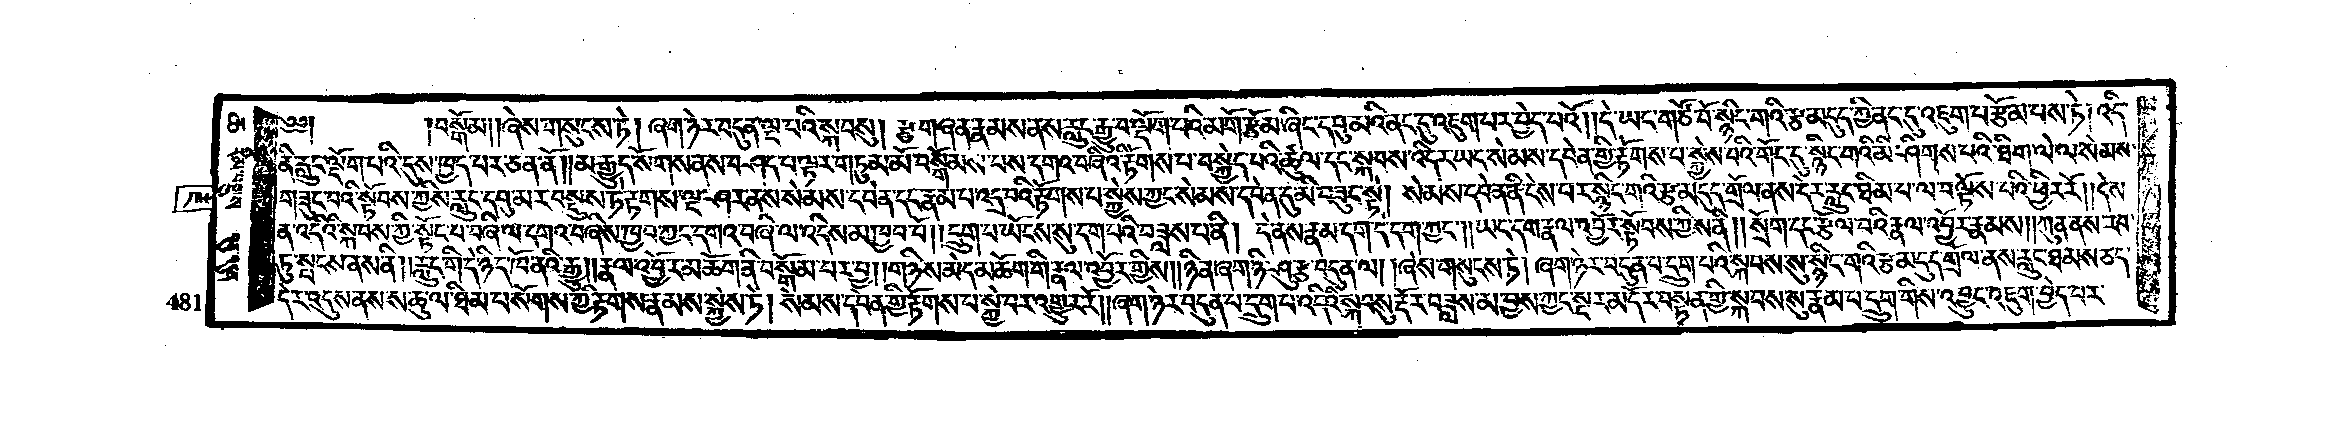༄༅། །བསྒོམ། །ཞེས་གསུངས་ཏེ། ཞག་ཉེར་བདུན་ལྔ་པའི་སྐབས་སུ། རྩ་གཞན་རྣམས་ནས་རླུང་རྒྱུ་བ་ལྡོག་པའི་མགོ་རྩོམ་ཞིང་དབུ་མའི་ནང་དུ་འཇུག་པར་བྱེད་པའོ། །དེ་ཡང་གཙོ་བོ་སྙིང་གའི་རྩ་མདུད་ཀྱི་ནང་དུ་འཇུག་པ་རྩོམ་པས་ཏེ། འདི་
ནི་རླུང་ལྡོག་པའི་དུས་ཁྱད་པར་ཅན་ནོ། །མ་རྒྱུད་སོགས་ནས་བཤད་པ་ལྟར་གཏུམ་མོ་བསྒོམས་པས་དགའ་བཞིའི་རྟོགས་པ་བསྐྱེད་པའི་ཚུལ་དང་སྐབས་འདིར་ཡང་སེམས་དབེན་གྱི་རྟོགས་པ་སྐྱེས་བའི་གོང་དུ་སྙིང་གའི་མི་ཤིགས་པའི་ཐིག་ལེ་ལ་སེམས་
གཟུང་བའི་སྟོབས་ཀྱིས་རླུང་དབུ་མར་བསྡུས་ཏེ་རྟགས་ལྔ་ཤར་ནས་སེམས་དབེན་དང་རྣམ་པ་འདྲ་བའི་རྟོགས་པ་སྐྱེས་ཀྱང་སེམས་དབེན་དུ་མི་བཟུང་སྟེ། སེམས་དབེན་ནི་ངེས་པར་སྙིང་གའི་རྩ་མདུད་གྲོལ་ནས་དེར་རླུང་ཐིམ་པ་ལ་བལྟོས་པའི་ཕྱིར་རོ། །དེས་
ན་འདིའི་སྐབས་ཀྱི་སྟོང་པ་བཞི་ལ་དགའ་བཞིས་ཁྱབ་ཀྱང་དགའ་བཞི་ལ་འདིས་མ་ཁྱབ་བོ། །དྲུག་པ་ཡོངས་སུ་དག་པའི་བཟླས་པ་ནི། དེ་ནས་རྣམ་དག་དེ་དག་ཀྱང་། །ཡང་དག་རྣལ་འབྱོར་སྟོབས་ཀྱིས་ནི། །སྲོག་དང་རྩོལ་བའི་རྣལ་འབྱོར་རྣམས། །ཀུན་ནས་རབ་
ཏུ་སྤངས་ནས་ནི། །རླུང་གི་དེ་ཉིད་ཁོ་ནའི་རྒྱུ། །རྣལ་འབྱོར་མཆོག་ནི་བསྒོམ་པར་བྱ། །གཉིས་མེད་མཆོག་གི་རྣལ་འབྱོར་གྱིས། །ཉིན་ཞག་ཉི་ཤུ་རྩ་བདུན་ལ། །ཞེས་གསུངས་ཏེ། ཞག་ཉེར་བདུན་པ་དྲུག་པའི་སྐབས་སུ་སྙིང་གའི་རྩ་མདུད་གྲོལ་ནས་རླུང་ཐམས་ཅད་
དེར་འདུས་ནས་ས་ཆུ་ལ་ཐིམ་པ་སོགས་ཀྱི་རྟགས་རྣམས་སྐྱེས་ཏེ། སེམས་དབེན་གྱི་རྟོགས་པ་སྐྱེ་བར་འགྱུར་རོ། །ཞག་ཉེར་བདུན་པ་དྲུག་པ་འདིའི་སྐབས་སུ་རྡོར་བཟླས་མ་བྱས་ཀྱང་སྔར་མདོར་བསྟན་གྱི་སྐབས་སུ་རྣམ་པ་དྲུག་གིས་འབྱུང་འཇུག་བྱེད་པར་